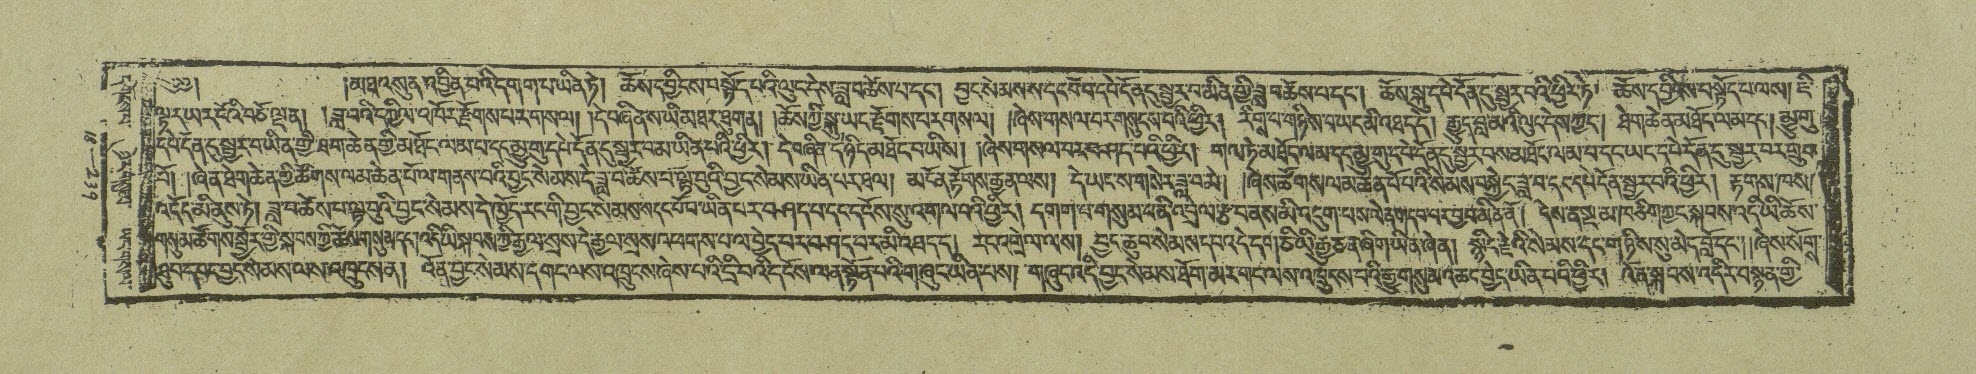༄༅། །མཐའ་སུན་འབྱིན་པའི་དགག་པ་ཡིན་ཏེ། ཆོས་དབྱིངས་བསྟོད་པའི་ལུང་དེས་ཟླ་བ་ཚེས་པ་དང་། བྱང་སེམས་དང་པོ་བ་དཔེ་དོན་དུ་སྦྱར་བ་མིན་གྱི་ཟླ་བ་ཚེས་པ་དང་། ཆོས་སྐུ་དཔེ་དོན་དུ་སྦྱར་བའི་ཕྱིར་ཏེ། ཆོས་དབྱིངས་བསྟོད་པ་ལས། ཇི་
ལྟར་ཡར་ངོའི་བཅོ་ལྡན། །ཟླ་བའི་དཀྱིལ་འཁོར་རྫོགས་པར་གསལ། །དེ་བཞི་ནས་ཡི་མཐར་ཐུག་ན། །ཆོས་ཀྱི་སྐུ་ཡང་རྫོགས་པར་གསལ། །ཞེས་གསལ་བར་གསུངས་པའི་ཕྱིར། རིགས་པ་གཉིས་པ་ཡང་མི་འཐད་དེ། རྒྱུད་བླ་མའི་ལུང་དེས་ཀྱང་། ཐེག་ཆེན་མཐོང་ལམ་དང་། མྱུ་གུ་
དཔེ་དོན་དུ་སྦྱར་བ་ཡིན་གྱི་ཐེག་ཆེན་གྱི་མཐོང་ལམ་པ་དང་མྱུ་གུ་དཔེ་དོན་དུ་སྦྱར་བ་མ་ཡིན་པའི་ཕྱིར། དེ་བཞིན་དེ་ཉིད་མཐོང་བ་ཡིས། །ཞེས་གསལ་བར་བཤད་པའི་ཕྱིར། གལ་ཏེ་མཐོང་ལམ་དང་མྱུ་གུ་དཔེ་དོན་དུ་སྦྱར་བས་མཐོང་ལམ་པ་དང་ཡང་དཔེ་དོན་དུ་སྦྱར་བར་གྲུབ་
བོ། །ཞེན་ཐེག་ཆེན་གྱི་ཚོགས་ལམ་ཆེན་པོ་ལ་གནས་པའི་བྱང་སེམས་དེ་ཟླ་བ་ཚེས་པ་ལྟ་བུའི་བྱང་སེམས་ཡིན་པར་ཐལ། མངོན་རྟོགས་རྒྱན་ལས། དེ་ཡང་ས་གསེར་ཟླ་བ་མེ། །ཞེས་ཚོགས་ལམ་ཆེན་པོ་བའི་སེམས་བསྐྱེད་ཟླ་བ་དང་དཔེ་དོན་སྦྱར་བའི་ཕྱིར། རྟགས་ཁས།
འདོད་མི་ནུས་ཏེ། ཟླ་བ་ཚེ་པ་ལྟ་བུའི་བྱང་སེམས་དེ་ཁྱོད་རང་གི་བྱང་སེམས་དང་པོ་བ་ཡིན་པར་བཤད་པ་དང་དངོས་སུ་འགལ་བའི་ཕྱིར། དགག་པ་གསུམ་པ་ནི་འབྲེལ་རྩ་བ་ནས་མི་འདུག་པས་ལེན་གདབ་པར་བྱ་བ་མིན་ནོ། །དེས་ན་སྔ་མ་ཁ་ཅིག་ཀྱང་སྐབས་འདི་ཡི་ཆོས་
གསུམ་ཚོགས་སྦྱོར་གྱི་སྐབས་ཀྱི་ཆོས་གསུམ་དང་། འདི་ཡི་སྐབས་ཀྱི་རྒྱལ་སྲས་དེ་རྒྱལ་སྲས་འཕགས་པ་ལ་བྱེད་པར་བཤད་པར་མི་འཐད་དེ། རང་འགྲེལ་ལས། བྱང་ཆུབ་སེམས་དཔའ་དེ་དག་ཅི་ཡི་རྒྱུ་ཅན་ཞིག་ཡིན་ཞེ་ན། སྙིང་རྗེའི་སེམས་དང་གཉིས་སུ་མེད་བློ་དང་། །ཞེས་སོགས་
ཐུབ་དབང་བྱང་སེམས་ལས་འཁྲུངས་ན། འོ་ན་བྱང་སེམས་དེ་གང་ལས་འཁྲུངས་ཞེས་པའི་དྲི་བའི་དངོས་ལན་སྟོན་པའི་གཞུང་ཡིན་པས། གཞུང་འདི་བྱང་སེམས་ཐོག་མར་གང་ལས་འཁྲུངས་པའི་རྒྱུ་གསུམ་འཆད་བྱེད་ཡིན་པའི་ཕྱིར། འོ་ན་སྐབས་འདིར་བསྟན་གྱི་